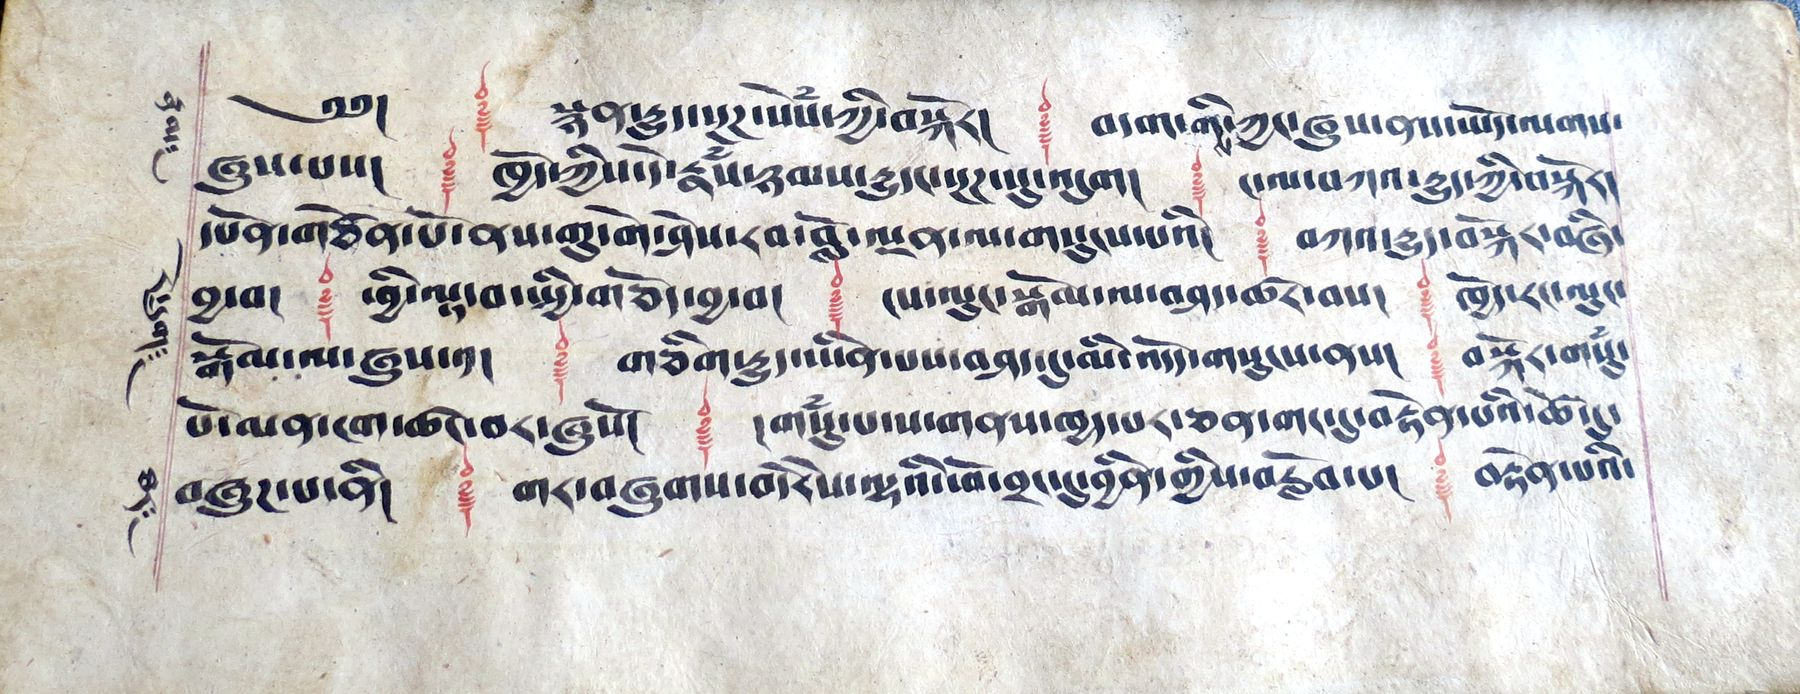སྙན་རྒྱུད་སྔགས་སེམས་ཀྱི་སྐོར། བདག་གིས་ཀྱང་ཞུས་ནས་ཡོད་ལགས་
ཞུས་པས། ཁྱོད་ཀྱི་དེ་རྣམས་ཉམས་རྒྱུད་དང་སྔགས་སུ་འདུག ང་ལ་བཀའ་རྒྱུད་སྐོར་
དཔོན་བཙན་པོ་ནས། གུ་གེ་ཤེས་རབ་བློ་ལྡན་ལ་གསུང་པའི་བཀའ་རྒྱུད་སྐོར་བཞི་
བྱ་བ། ཕྱི་ལྟ་བ་སྤྱི་གཅོད་བྱ་བ་ངས་ལུང་སྒོམ་ལ་བཤད་ཚར་བས། ཁྱོད་རང་ལུང་
སྒོམ་ལ་ཞུས་ཤིག གཅིག་རྒྱུད་ཡིན་པས་བཤད་དུ་མི་འདོད་གསུངས་ནས། སྐོར་གསུམ་
པོ་མན་ངག་ཚང་པར་ཞུས་སོ། ། གསུམ་པ་ས་གནས་ཁྱད་པར་ཅན་གང་དུ་བརྟེན་པའི་ཚེ་དུ་
བཞུགས་པ་ནི། གར་བཞུགས་བདེར་གཤེགས་ལྷའི་ཕོ་བྲང་དུ་བྱིན་གྱིས་བརླབས་པ། བརྟེན་པའི་